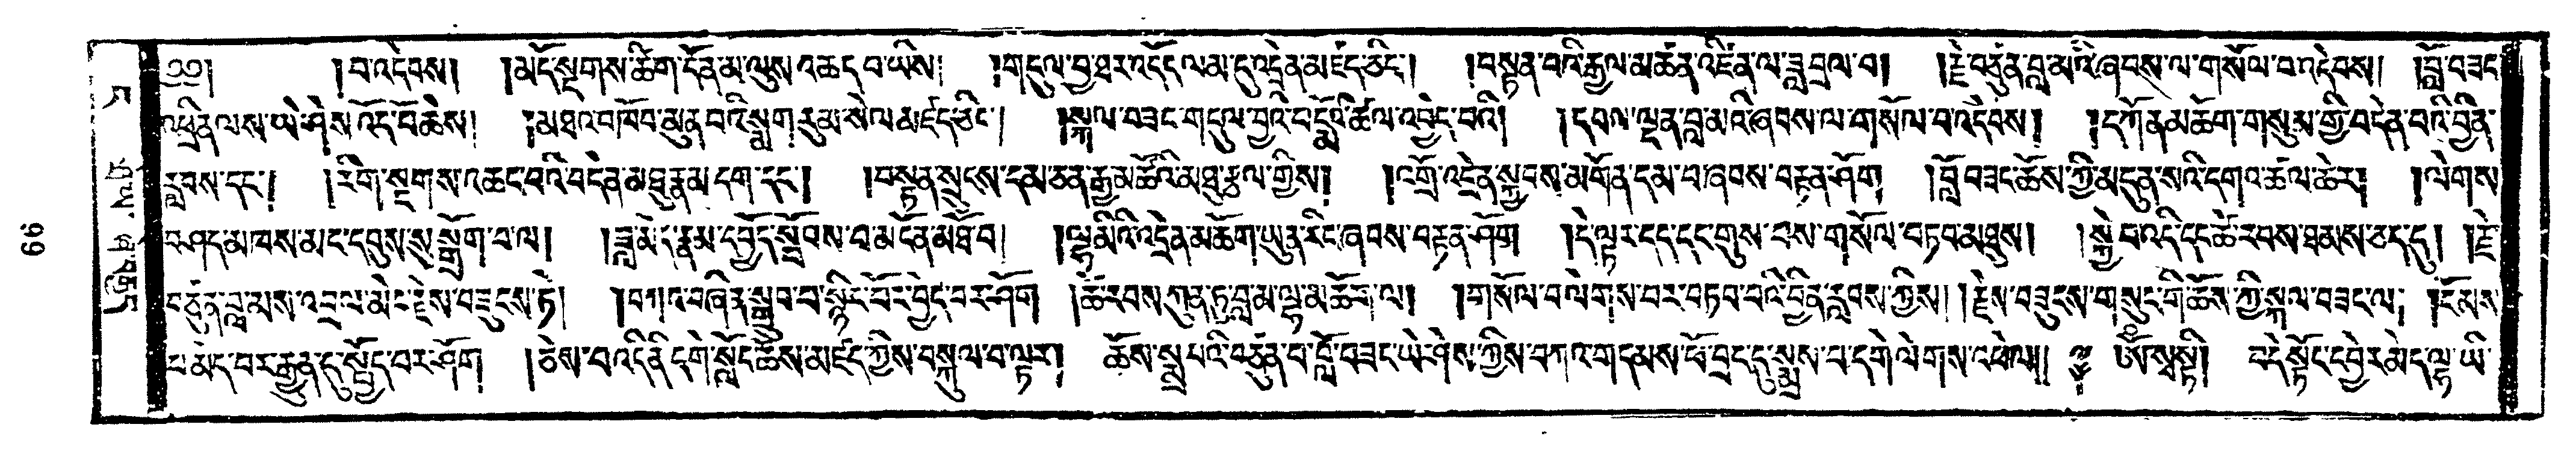༄༅། །བ་འདེབས། །མདོ་སྔགས་ཚིག་དོན་མ་ལུས་འཆད་བ་ཡིས། །གདུལ་བྱ་ཐར་འདོད་ལམ་དུ་འདྲེན་མཛད་ཅིང་། །བསྟན་པའི་རྒྱལ་མཚན་འཛིན་ལ་ཟླ་བྲལ་བ། །རྗེ་བཙུན་བླ་མའི་ཞབས་ལ་གསོལ་བ་འདེབས། །བློ་བཟང་
འཕྲིན་ལས་ཡེ་ཤེས་འོད་བོ་ཆེས། །མཐའ་བྑོབ་མུན་བའི་སྨག་རུམ་སེལ་མཛད་ཅིང་། །སྐལ་བཟང་གདུལ་བྱའི་པདམོའི་ཚལ་འབྱེད་པའི། །དཔལ་ལྡན་བླ་མའི་ཞབས་ལ་གསོལ་བ་འདེབས། །དཀོན་མཆོག་གསུམ་གྱི་བདེན་པའི་བྱིན་
རླབས་དང་། །རིག་སྔགས་འཆང་བའི་བདེན་མཐུ་རྣམ་དག་དང་། །བསྟན་སྲུངས་དམ་ཅན་རྒྱ་མཚོའི་མཐུ་རྩལ་གྱིས། །འགྲོ་འདྲེན་སྐྱབས་མགོན་དམ་བ་ཞབས་བརྟན་ཤོག །བློ་བཟང་ཆོས་ཀྱི་མདུན་སའི་དགའ་ཚལ་ཆེར། །ལེགས་
བཤད་མཁས་མང་དབུས་སུ་སྒྲོག་བ་ལ། །ཟླ་མོད་རྣམ་དཔྱོད་སྤོབས་བ་མངོན་མཐོ་བ། །ལྷ་མིའི་འདྲེན་མཆོག་ཡུན་རིང་ཞབས་བརྟན་ཤོག །དེ་ལྟར་དད་དང་གུས་བས་གསོལ་བཏབ་མཐུས། །སྐྱེ་བ་འདི་དང་ཚེ་རབས་ཐམས་ཅད་དུ། །རྗེ་
བཙུན་བླ་མས་འབྲལ་མེད་རྗེས་བཟུངས་ཏེ། །བཀའ་བཞིན་སྒྲུབ་བ་སྙིང་པོར་བྱེད་པར་ཤོག །ཚེ་རབས་ཀུན་ཏུ་བླ་མ་ལྷ་མཆོག་ལ། །གསོལ་བ་ལེགས་བར་བཏབ་པའི་བྱིན་རླབས་ཀྱིས། །རྗེས་བཟུངས་གསུང་གི་ཆོས་ཀྱི་སྐལ་བཟང་ལ། །ངོམས་
པ་མེད་པར་རྒྱུན་དུ་སྤྱོད་པར་ཤོག །ཅེས་པ་འདི་ནི་དགེ་སློང་ཆོས་མཛད་ཀྱིས་བསྐུལ་བ་ལྟར། །ཆོས་སྨྲ་བའི་བཙུན་བ་བློ་བཟང་ཡེ་ཤེས་ཀྱིས་བཀའ་གདམས་ཕོ་བྲང་དུ་སྨྲས་པ་དགེ་ལེགས་འཕེལ།། ༈ ཨོཾ་སྭསྟི། བདེ་སྟོང་དབྱེར་མེད་ལྷ་ཡི་